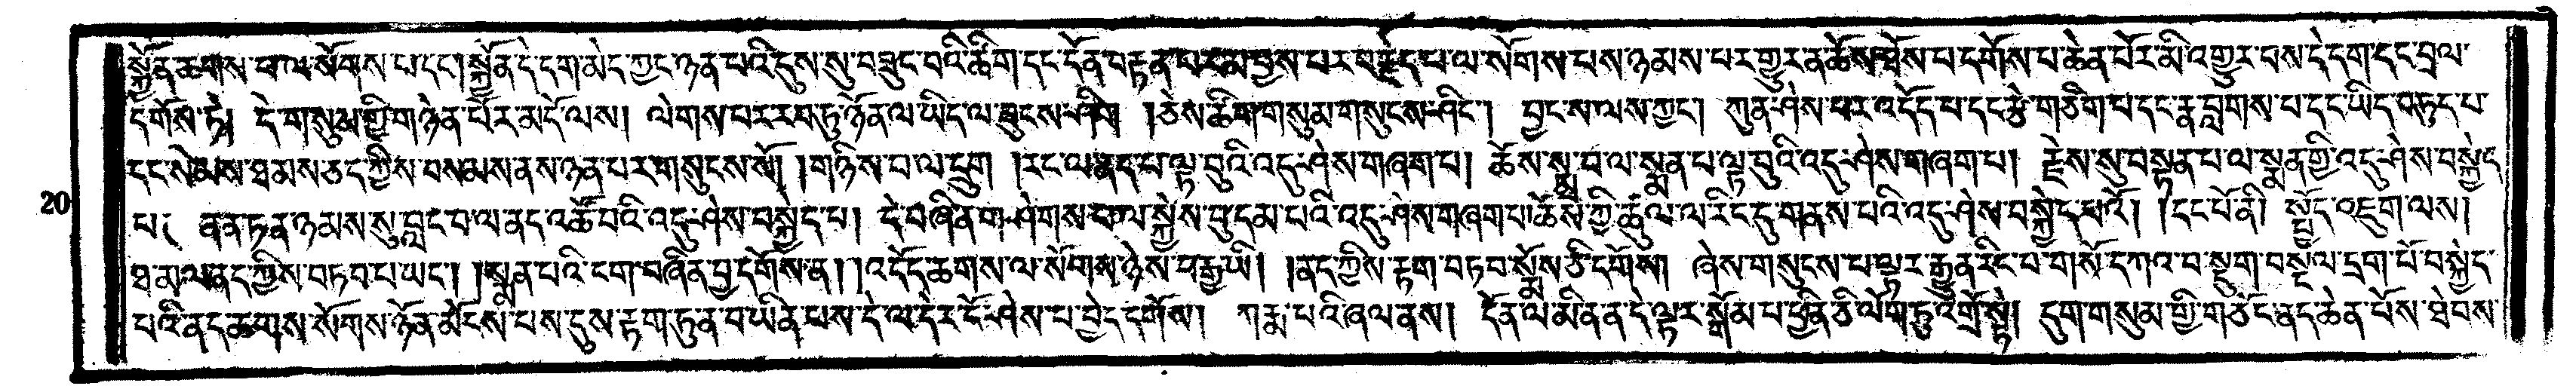སྐྱོན་ཆགས་པ་ལ་སོགས་པ་དང་། སྐྱོན་དེ་དག་མེད་ཀྱང་ཉན་པའི་དུས་སུ་བཟུང་བའི་ཚིག་དང་དོན་བརྟན་པར་མ་བྱས་པར་བརྗེད་པ་ལ་སོགས་པས་ཉམས་པར་གྱུར་ན་ཆོས་ཐོས་པ་དགོས་པ་ཆེན་པོར་མི་འགྱུར་བས་དེ་དག་དང་བྲལ་
དགོས་ཏེ། དེ་གསུམ་གྱི་གཉེན་པོར་མདོ་ལས། ལེགས་པར་རབ་ཏུ་ཉོན་ལ་ཡིད་ལ་ཟུངས་ཤིག །ཅེས་ཚིག་གསུམ་གསུངས་ཤིང་། བྱང་ས་ལས་ཀྱང་། ཀུ་ཤེས་པར་འདོད་པ་དང་རྩེ་གཅིག་པ་དང་རྣ་བླགས་པ་དང་ཡིད་བཏུད་པ་
དང་སེམས་ཐམས་ཅད་ཀྱིས་བསམས་ནས་ཉན་པར་གསུངས་སོ། །གཉིས་པ་ལ་དྲུག །རང་ལ་ནད་པ་ལྟ་བུའི་འདུ་ཤེས་གཞག་པ། ཆོས་སྨྲ་བ་ལ་སྨན་པ་ལྟ་བུའི་འདུ་ཤེས་གཞག་པ། རྗེས་སུ་བསྟན་པ་ལ་སྨན་གྱི་འདུ་ཤེས་བསྐྱེད་
པ༑ ནན་ཏན་ཉམས་སུ་བླང་བ་ལ་ནད་འཚོ་བའི་འདུ་ཤེས་བསྐྱེད་པ། དེ་བཞིན་གཤེགས་པ་ལ་སྐྱེས་བུ་དམ་པའི་འདུ་ཤེས་གཞག་པ་ཆོས་ཀྱི་ཚུལ་ལ་རིང་དུ་གནས་པའི་འདུ་ཤེས་བསྐྱེད་པའོ། །དང་པོ་ནི། སྤྱོད་འཇུག་ལས།
ཐ་མ་ལ་ནད་ཀྱིས་བཏབ་པ་ཡང་། །སྨན་པའི་ངག་བཞིན་བྱ་དགོས་ན། །འདོད་ཆགས་ལ་སོགས་ཉེས་བརྒྱ་ཡི། །ནད་ཀྱིས་རྟག་བཏབ་སྨོས་ཅི་དགོས། ཞེས་གསུངས་པ་ལྟར་རྒྱུན་རིང་པ་གསོ་དཀའ་བ་སྡུག་བསྔལ་དྲག་པོ་བསྐྱེད་
པའི་ནད་ཆགས་སོགས་ཉོན་མོངས་པས་དུས་རྟག་ཏུ་ན་བ་ཡིན་པས་དེ་ལ་དེར་ངོ་ཤེས་པ་བྱེད་དགོས། ཀརྨ་པའི་ཞལ་ནས། དོན་ལ་མི་ན་ན་དེ་ལྟར་སྒོམ་པ་ཕྱིན་ཅི་ལོག་ཏུ་འགྲོ་སྟེ། དུག་གསུམ་གྱི་གཅོད་ནད་ཆེན་པོས་ཐེབས་